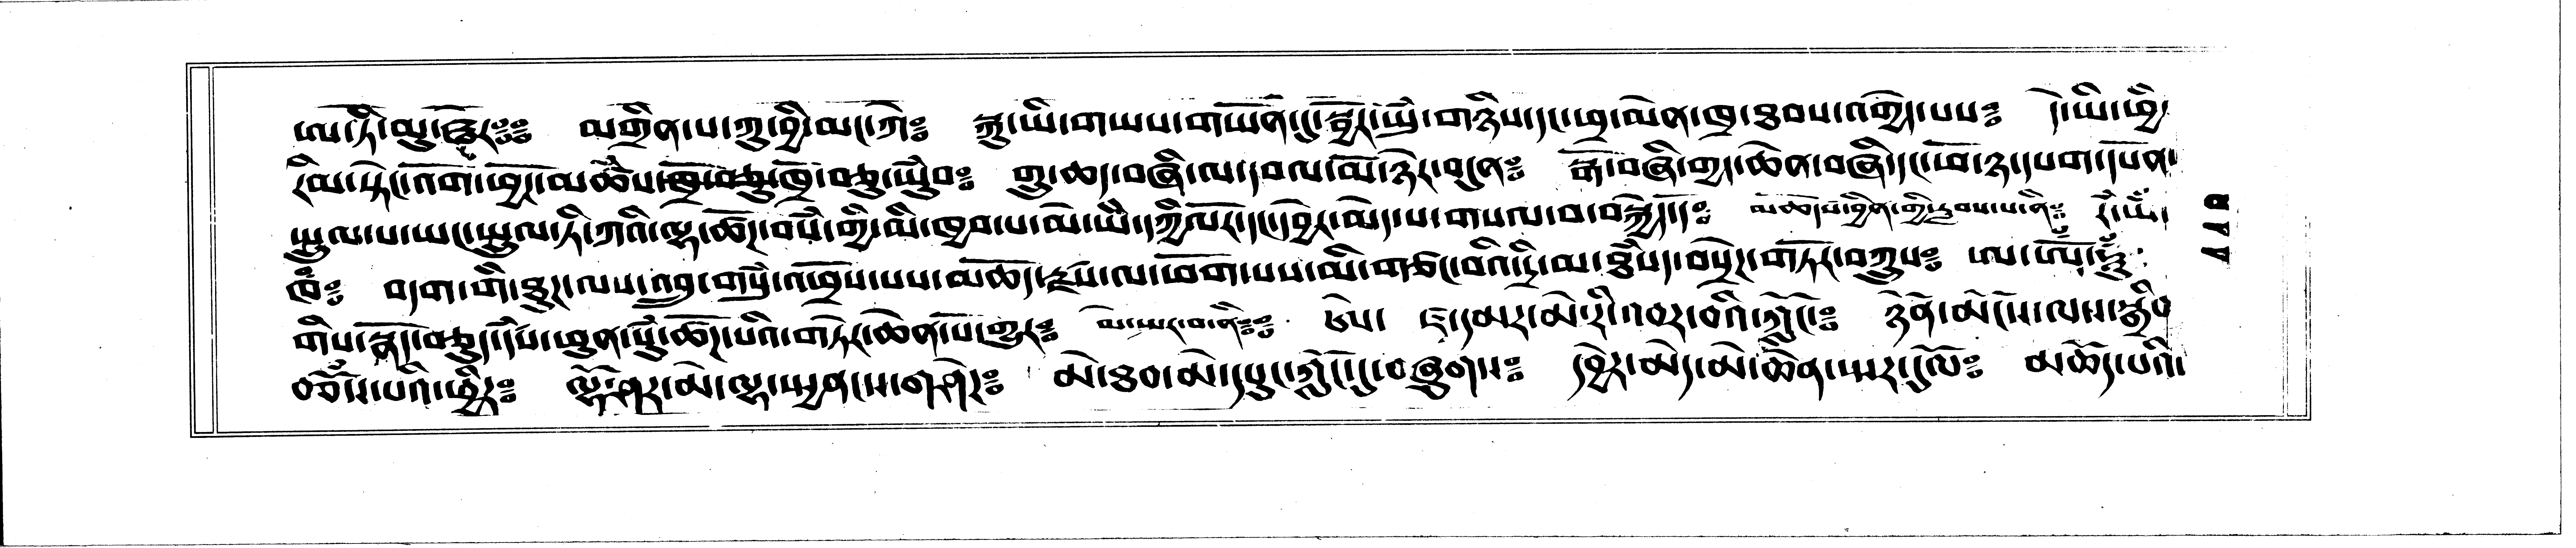ཨ་ཏི་མུ་ཝེར༔༔མགྲིན་པ་ཀུ་བྱི་མང་ཀེ༔སྐུ་ཡི་གཡས་གཡོན་དུ་སྦྱོར་ཡུམ་གཉིས་དང་ཕྲ་མེན་ཁྲ་ཐབས་འགྱེད་པས༔དེ་ཡི་ཕྱི་
རིམ་སྟེང་འོག་ཕྱོགས་མཚམས་ཁྲོ་བཅུ་ཡབ་ཡུམ༔གྲུ་ཆད་བཞི་ལ་དབལ་མོ་ཉེར་བདུན༔སྒོ་བཞི་གྱད་ཆེན་བཞི་དང་ཕོ་ཉ་དམག་དཔོན་
སྤྲུལ་པ་ཡང་སྤྲུལ་ཏི་ཀའི་ལྷ་ཚོགས་བསམ་གྱིས་མི་ཁྱབ་པ་མེ་ཡི་དཀྱིལ་འཁོར་དང་དབྱེར་མེད་པ་གསལ་བ་བསྐྱེད་དོ༔མཆོད་རྫས་བྱིན་གྱིས་བརླབས་པ་ནི༔རཾ་ཡཾ་
ཁཾ༔བདག་གི་ཐུགས་ལས་འབྲུ་གསུམ་འཕྲོས་པས་མཆོད་རྫས་ལ་ཕོག་པས་མི་གཙང་བའི་དྲི་མ་ཐམས་ཅད་བསྲེགས་གཏོར་བཀྲུས༔ཨ་ཨོྃ་ཧཱུྃ་
གིས་སྣོད་བདུད་དམ་རྫས་ཕུན་སུམ་ཚོགས་པའི་གཏེར་ཆེན་པོར་གྱུར༔ མེ་སྤར་བ་ནི༔༔ ཨེཿ ཛྭ་དམར་མེ་རི་འབར་བའི་ཀློང་༔ཉོན་མོངས་ལས་སྒྲིབ་
བཅོམས་པའི་ཕྱིར༔ལྷོ་ཤར་མེ་ལྷ་སྤྱན་དྲངས་གཤེགས༔མེ་ཐབ་མེ་དཔུང་ཀློང་དུ་བཞུགས༔དབྱེར་མེད་མེ་ཆེན་སྤར་དུ་གསོལ༔མཆོད་པའི་